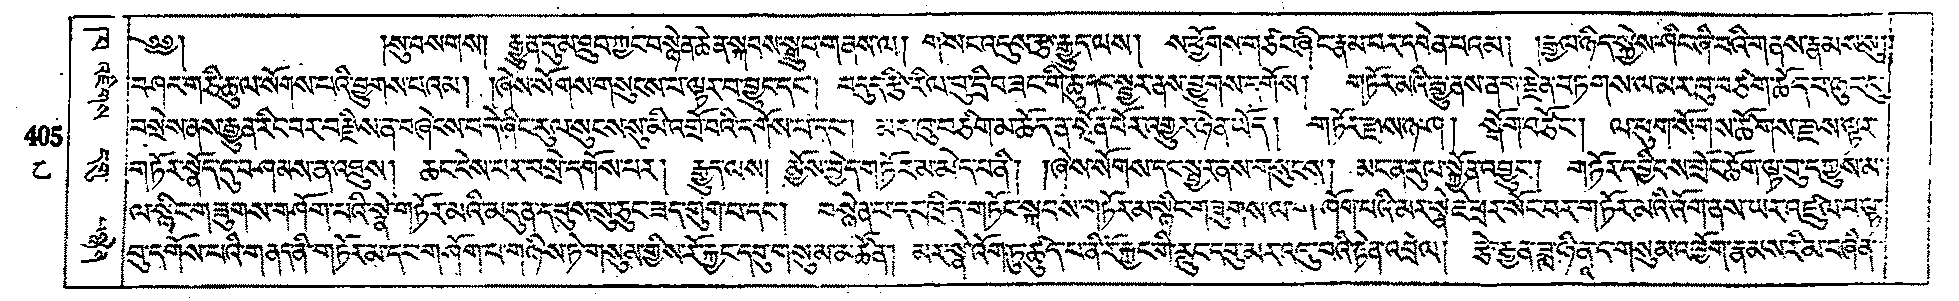༄༅། །སུ་བསགས། རྒྱུན་དུ་མ་ཐུབ་ཀྱང་བསྙེན་ཆེན་སྐབས་སྒྲུབ་གནས་ལ། གསང་འདུས་རྩ་རྒྱུད་ལས། ས་ཕྱོགས་གཙང་ཞིང་རྣམ་པར་དབེན་པའམ། །རྒྱལ་ཉིད་སྐྱེས་ཤིང་ཞི་བའི་གནས་རྣམས་སུ།
བཤང་གཅི་ཆུ་ལ་སོགས་པའི་བྱུགས་པའམ། །ཞེས་སོགས་གསུངས་པ་ལྟར་བ་བྱུང་དང་། བདུད་རྩི་རིལ་བུ་དྲི་བཟང་གི་ཆུ་དང་སྦྱར་ནས་བྱུགས་དགོས། གཏོར་མའི་རྒྱུ་ནས་ནག་རྗེན་བཏགས་ལ་མར་ཁུ་བཙག་ཆོད་པ་ཉུང་ངུ་
བསྲེས་ནས་རྒྱུན་རིང་བར་བརྫིས་ན་བཞེངས་བདེ་ཞིང་རུལ་སུངས་སུ་མི་འགྲོ་བའི་དགོས་པ་དང་། མར་ཁུ་བཙག་མ་ཆོད་ན་སྔོན་པོར་འགྱུར་ཉེན་ཡོད། གཏོར་རྫས་ཉ་ཤ། སྒོག་བཙོང་། ལ་ཕུག་སོགས་ཚོགས་རྫས་ལྟར་
གཏོར་སྣོད་དུ་བཤམས་ན་འཐུས། ཆང་ངེས་པར་བསྲེ་དགོས་པར། རྒྱུད་ལས། མྱོས་བྱེད་གཏོར་མ་མེད་པ་ནི། །ཞེས་སོགས་དང་སྦྱར་ནས་གསུངས། མང་ན་རུལ་སྐྱོན་འབྱུང་། གཏོར་དབྱིབས་གྲོང་ཆོག་ལྟ་བུ་དཀྱུས་མ་
ལ་སྙིང་གཟུགས་གཤོག་པའི་སྣེ་གཏོར་མའི་མདུན་དབུས་སུ་ཅུང་ཟད་གུག་པ་དང་། བསྙེན་པ་དང་ཁྲིད་གཏོང་སྐབས་གཏོར་མ་སྙིང་གཟུགས་ལ་གཤོག་པའི་མར་སྣེ་ཇེ་ཕྲར་སོང་བར་གཏོར་མའི་འོག་ནས་ཡར་འཛུལ་བ་ལྟ་
བུ་དགོས་པའི་གནད་ནི་གཏོར་མ་དང་གཤོག་པ་གཉིས་ཏེ་གསུམ་གྱིས་རོ་རྐྱང་དབུ་གསུམ་མཚོན། མར་སྣེ་འོག་ཏུ་ཚུད་པ་ནི་རོ་རྐྱང་གི་རླུང་དབུ་མར་འདུ་བའི་རྟེན་འབྲེལ། རྩེ་རྒྱན་ཟླ་ཉི་ནཱ་ང་གསུམ་འཁྱོག་རྣམས་རིམ་བཞིན་་་